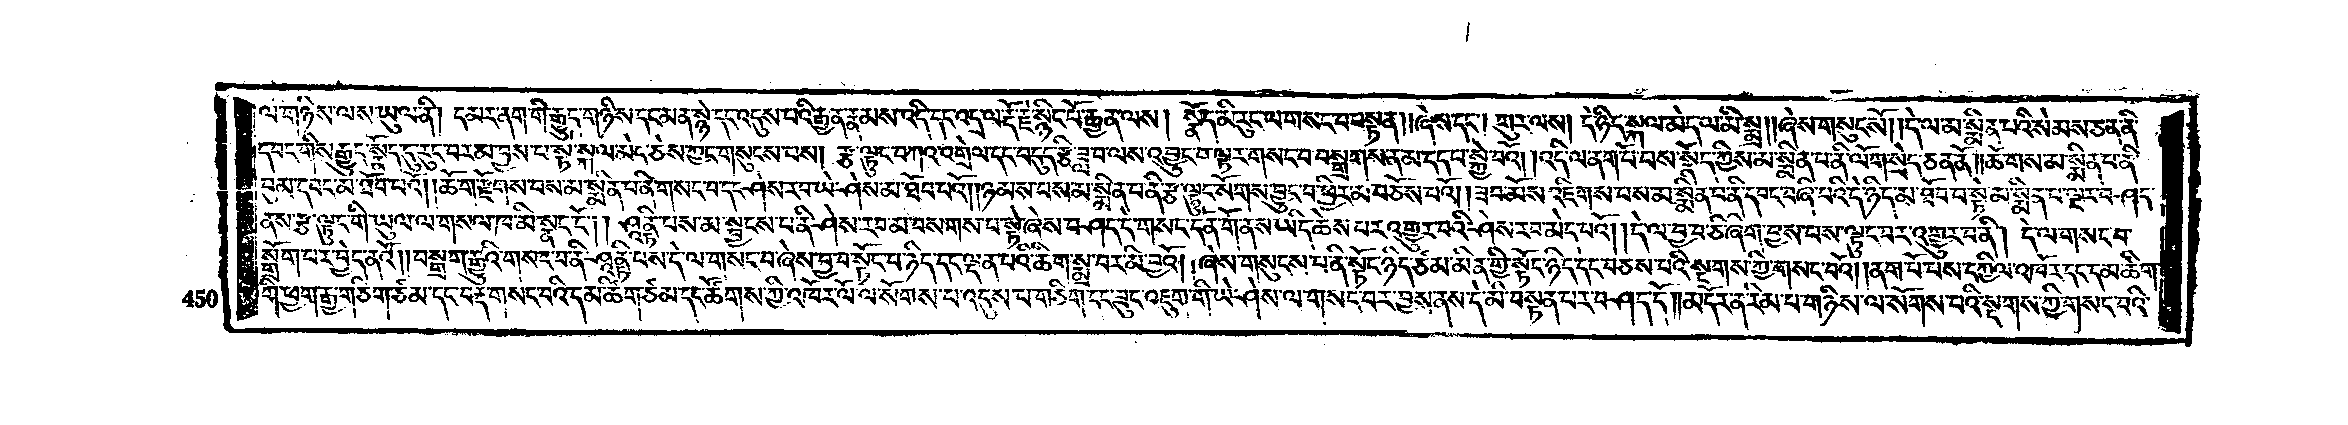ལ་གཉིས་ལས་ཡུལ་ནི། དམར་ནག་གི་རྒྱུད་གཉིས་དང་མན་སྙེ་དང་འདུས་པའི་རྒྱན་རྣམས་འདི་དང་འདྲ་ལ་རྡོ་རྗེ་སྙིང་པོ་རྒྱན་ལས། སྣོད་མི་རུང་ལ་གསང་བ་བསྟན། །ཞེས་དང་། གུར་ལས། དེ་ཉིད་སྐལ་མེད་ལ་མི་སྨྲ། །ཞེས་གསུངས་སོ། །དེ་ལ་མ་སྨིན་པའི་སེམས་ཅན་ནི་
དབང་གིས་རྒྱུད་སྣོད་དུ་རུང་བར་མ་བྱས་པ་སྟེ་སྐལ་མེད་ཅེས་ཀྱང་གསུངས་པས། རྩ་ལྟུང་བཀའ་འགྲེལ་དང་བདུད་རྩི་ཟླ་བ་ལས་འབྱུང་བ་ལྟར་གསང་བ་བསྒྲགས་ན་མ་དད་པ་སྐྱེ་བའོ། །འདི་ལ་ནག་པོ་པས་སྣོད་ཀྱིས་མ་སྨིན་པ་ནི་ལོག་སྲེད་ཅན་ནོ། །ཆོ་གས་མ་སྨིན་པ་ནི་
བུམ་དབང་མ་ཐོབ་པའོ། །ཆོ་ག་རྫོགས་པས་མ་སྨིན་པ་ནི་གསང་བ་དང་ཤེས་རབ་ཡེ་ཤེས་མ་ཐོབ་པའོ། །ཉམས་པས་མ་སྨིན་པ་ནི་རྩ་ལྟུང་སོགས་བྱུང་བ་ཕྱིར་མ་བཅོས་པའོ། །ཟབ་མོས་འཇིགས་པས་མ་སྨིན་པ་ནི་དབང་ཞི་པའི་དེ་ཉིད་མ་ཐོབ་པ་སྟེ་མ་སྨིན་པ་སྔར་བཤད་
ནས་རྩ་ལྟུང་གི་ཡུལ་ལ་གསལ་ཁ་མི་སྣང་ངོ། །ཤཱནྟི་པས་མ་སྦྱངས་པ་ནི་ཤེས་རབ་མ་བསགས་པ་སྟེ་ཞེས་བཤད་དེ་གསང་དོན་གོ་ནས་ཡིད་ཆེས་པར་འགྱུར་བའི་ཤེས་རབ་མེད་པའོ། །དེ་ལ་བྱ་བ་ཅི་ཞིག་བྱས་པས་ལྟུང་བར་འགྱུར་བ་ནི། དེ་ལ་གསང་བ་
སྒྲོག་པར་བྱེད་ནའོ། །བསྒྲག་རྒྱུའི་གསང་བ་ནི་ཤཱནྟི་པས་དེ་ལ་གསང་བ་ཞེས་བྱ་བ་སྟོང་པ་ཉིད་དང་ལྡན་པའི་ཚིག་སྨྲ་བར་མི་བྱའོ། །ཞེས་གསུངས་པ་ནི་སྟོང་ཉིད་ཙམ་མིན་གྱི་སྟོང་ཉིད་དང་བཅས་པའི་སྔགས་ཀྱི་གསང་བའོ། །ནག་པོ་པས་དཀྱིལ་འཁོར་དང་དམ་ཚིག་
གི་ཕྱག་རྒྱ་གཅིག་ཙམ་དང་བརྡ་གསང་བའི་དམ་ཚིག་ཙམ་དང་ཚོགས་ཀྱི་འཁོར་ལོ་ལ་སོགས་པ་འདུས་པ་གཅིག་དང་ཟུང་འཇུག་གི་ཡེ་ཤེས་ལ་གསང་བར་བྱས་ནས་དེ་མི་བསྟན་པར་བཤད་དོ། །མདོར་ན་རིམ་པ་གཉིས་ལ་སོགས་པའི་སྔགས་ཀྱི་གསང་བའི་